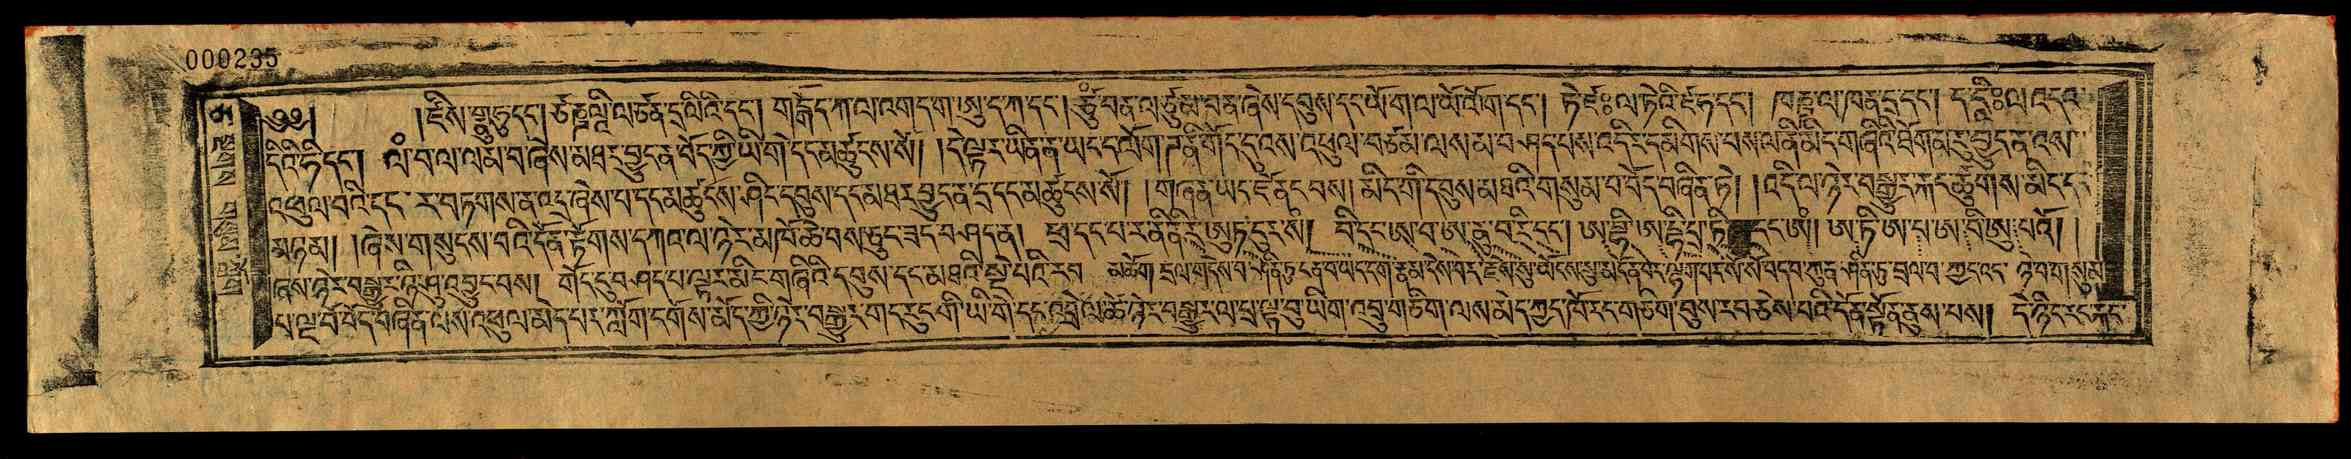༄༅། ། །རྫིས་སྣུ་ཏུ་དང་། ཙཎྜ་ལཱི་ལ་ཙན་དྲ་ལིའི་དང་། གདགོ་ད་ཀ་ལ་འ་གང་ག་ཨུད་ཀ་དང་། ཙུ་པ་ན་ལ་ཙུམ་པ་ན་ཞེས་དབུས་དང་ཡོ་ག་ལ་ཡོའོ་ག་དང་། ཏེ་ཛཿ ལ་ཏེའེ་ཛ་ཧ་དང་། ཁཎྜ་ལ་ཁན་དྲ་དང་། ད་རི་ཅལ་འདའ་
དིའི་ཧི་དང་། ལཾ་བ་ལ་ལརྨ་བ་ཞེས་མཐར་བྱུང་ན་བོད་ཀྱི་ཡི་གེ་དང་མཚུངས་སོ། །དེ་ལྟར་ཡིན་ན་ཡང་ད་ལོག་ཌ་ནི་གོང་དུ་འས་འཕུལ་བ་ཙམ་ལས་མ་བཤད་པས་འདིར་དམིགས་བསལ་ནི་མིང་གཞིའི་ཐོག་མར་བྱུང་མ་འས་
འཕུལ་བའི་དར་ར་བཏགས་ན་འདྲ་ཞེས་པ་དང་མཚུངས་ཤིང་དབུས་དང་མཐར་བྱུང་ན་དྲ་དང་མཚུངས་སོ། །གཞན་ཡང་དོ་ནང་པས། མིང་གི་དབུས་མཐའི་གསུམ་པ་བོད་བཞིན་ཏེ། །འདི་ལ་ཉེར་བསྒྱར་ངང་ཆུགས་མིང་དང་
མཉམ། །ཞེས་གསུངས་པའི་དོན་རྟོགས་དཀའ་ལ་ཉེར་མཁོ་ཆེ་བས་ཅུང་ཟད་བཤད་ན། ཕྲ་དར་པ་ར་ནི་ནིར་ཨུཏ་དུར་སཾ། བི་དང་ཨ་བ་ཨ་ནུ་བ་རི་དང་། ཨ་བྷི་ཨ་དྷི་པྲ་ཏི་སུ་དང་། ཨ་ཏི་ཨ་པ་ཨ་བི་ཨུ་པའི། །
ཞེས་ཉེར་བསྒྱར་ཉི་ཤུ་འབྱུང་བས། གོང་དུ་བཤད་པ་ལྟར་མིང་གཞིའི་དབུས་དང་མཐའི་སྡེ་པའི་དང་མཆོག་དྲ་ལ་གདེས་པ་ཤིན་ཏུ་དཀའ་ཡང་དག་རྣམ་ངེས་པར་རྗེས་སུ་ཡོངས་སུ་མངོན་པར་ལྷག་པར་སོ་སོར་བདེའི་ཀུན་ཤིན་ཏུ་ཕྲལ་ཁ་ཀྱང་རང་། ཉེ་བ་གསུམ་
པ་ལྔ་པོ་བོད་བཞིན་འས་འཕུལ་མེད་པར་ཀློག་དགོས་བོད་ཀྱི་ཉེར་བསྒྱུར་གང་རུང་གི་ཡི་གེ་དང་འབྲེལ་ཚེ་ཉེར་བསྒྱུར་ལ་པྲ་ལྟ་བུ་ཡིག་འབྲུ་གཅིག་ལས་མེད་ཀྱང་ཁོ་རང་གཅིག་པུས་རབ་ཅེས་པའི་དོན་སྟོན་ནུས་པས། དེ་ཉེར་རང་རྐང་